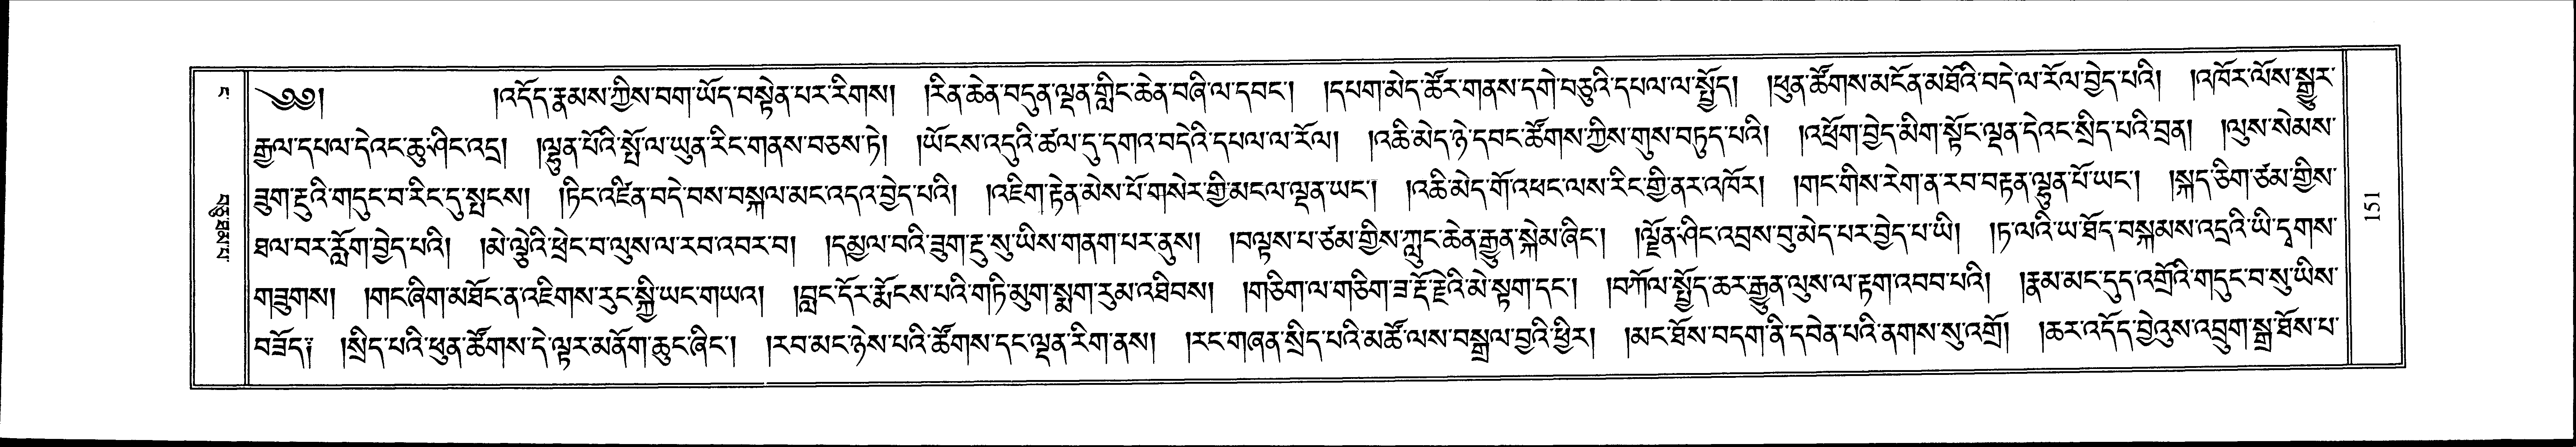༄༅། །འདོད་རྣམས་ཀྱིས་བག་ཡོད་བསྟེན་པར་རིགས། །རིན་ཆེན་བདུན་ལྡན་གླིང་ཆེན་བཞི་ལ་དབང་། །དཔག་མེད་ཚོར་གནས་དགེ་བཅུའི་དཔལ་ལ་སྤྱོད། །ཕུན་ཚོགས་མངོན་མཐོའི་བདེ་ལ་རོལ་བྱེད་པའི། །འཁོར་ལོས་སྒྱུར་
རྒྱལ་དཔལ་དེའང་ཆུ་ཤིང་འདྲ། །ལྷུན་པོའི་སྤོ་ལ་ཡུན་རིང་གནས་བཅས་ཏེ། །ཡོངས་འདུའི་ཚལ་དུ་དགའ་བདེའི་དཔལ་ལ་རོལ། །འཆི་མེད་ཉེ་དབང་ཚོགས་ཀྱིས་གུས་བཏུད་པའི། །འཕྲོག་བྱེད་མིག་སྟོང་ལྡན་དེའང་སྲིད་པའི་བྲན། །ལུས་སེམས་
ཟུག་རྔུའི་གདུང་བ་རིང་དུ་སྤངས། །ཏིང་འཛིན་བདེ་བས་བསྐལ་མང་འདའ་བྱེད་པའི། །འཇིག་རྟེན་མེས་པོ་གསེར་གྱི་མངལ་ལྡན་ཡང་། །འཆི་མེད་གོ་འཕང་ལས་རིང་གྱི་ནར་འཁོར། །གང་གིས་རེག་ན་རབ་བརྟན་ལྷུན་པོ་ཡང་། །སྐད་ཅིག་ཙམ་གྱིས་
ཐལ་བར་རློག་བྱེད་པའི། །མེ་ལྕེའི་ཕྲེང་བ་ལུས་ལ་རབ་འབར་བ། །དམྱལ་བའི་ཟུག་རྔུ་སུ་ཡིས་གནག་པར་ནུས། །བལྟས་པ་ཙམ་གྱིས་ཀླུང་ཆེན་རྒྱུན་སྐེམ་ཞིང་། །ལྗོན་ཤིང་འབྲས་བུ་མེད་པར་བྱེད་པ་ཡི། །ཏ་ལའི་ཡ་ཐོད་བསྐམས་འདྲའི་ཡི་དྭགས་
གཟུགས། །གང་ཞིག་མཐོང་ན་འཇིགས་རུང་སྐྱི་ཡང་གཡའ། །བླང་དོར་རྨོངས་པའི་གཏི་མུག་སྨག་རུམ་འཐིབས། །གཅིག་ལ་གཅིག་ཟ་རྡོ་རྗེའི་མེ་སྟག་དང་། །བཀོལ་སྤྱོད་ཆར་རྒྱུན་ལུས་ལ་རྟག་འབབ་པའི། །རྣམ་མང་དུད་འགྲོའི་གདུང་བ་སུ་ཡིས་
བཟོད། །སྲིད་པའི་ཕུན་ཚོགས་དེ་ལྟར་མནོག་ཆུང་ཞིང་། །རབ་མང་ཉེས་པའི་ཚོགས་དང་ལྡན་རིག་ནས། །རང་གཞན་སྲིད་པའི་མཚོ་ལས་བསྒྲལ་བྱའི་ཕྱིར། །མང་ཐོས་བདག་ནི་དབེན་པའི་ནགས་སུ་འགྲོ། །ཆར་འདོད་བྱེའུས་འབྲུག་སྒྲ་ཐོས་པ་